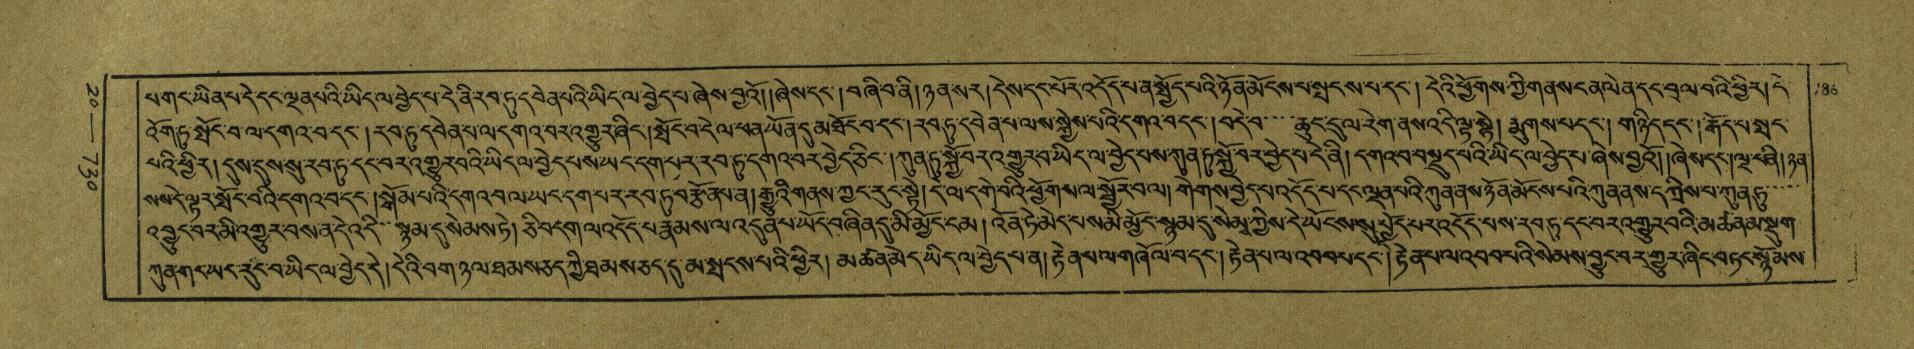པ་གང་ཡིན་པ་དེ་དང་ལྡན་པའི་ཡིད་ལ་བྱེད་པ་དེ་ནི་རབ་ཏུ་དབེན་པའི་ཡིད་ལ་བྱེད་པ་ཞེས་བྱའོ། །ཞེས་དང་། བཞི་བ་ནི། ཉན་སར། དེས་དང་པོར་འདོད་པ་ན་སྤྱོད་པའི་ཉོན་མོངས་པ་སྤངས་པ་དང་། དེའི་ཕྱོགས་ཀྱི་གནས་ངན་ལེན་དང་བྲལ་བའི་ཕྱིར། དེ་
འོག་ཏུ་སྤོང་བ་ལ་དགའ་བ་དང་། རབ་ཏུ་དབེན་པ་ལ་དགའ་བར་འགྱུར་ཞིང་། སྤོང་བ་དེ་ལ་ཕན་ཡོན་དུ་མཐོང་བ་དང་། རབ་ཏུ་དབེན་པ་ལས་སྐྱེས་པའི་དགའ་བ་དང་། བདེ་བ་ཆུང་ངུ་ལ་རེག་ནས་འདི་ལྟ་སྟེ། རྨུགས་པ་དང་། གཉིད་དང་། རྒོད་པ་སྤང་
པའི་ཕྱིར། དུས་དུས་སུ་རབ་ཏུ་དང་བར་འགྱུར་བའི་ཡིད་ལ་བྱེད་པས་ཡང་དག་པར་རབ་ཏུ་དགའ་བར་བྱེད་ཅིང་། ཀུན་ཏུ་སྐྱོ་བར་འགྱུར་བ་ཡིད་ལ་བྱེད་པས་ཀུན་ཏུ་སྐྱོ་བར་བྱེད་པ་དེ་ནི། དགའ་བ་བསྡུད་པའི་ཡིད་ལ་བྱེད་པ་ཞེས་བྱའོ། །ཞེས་དང་། ལྔ་པ་ནི། ཉན་
སས་དེ་ལྟར་སྤོང་བའི་དགའ་བ་དང་། སྒོམ་པའི་དགའ་བ་ལ་ཡང་དག་པར་རབ་ཏུ་བརྩོན་པ་ན། རྒྱུའི་གནས་ཀྱང་རུང་སྟེ། དེ་ལ་དགེ་བའི་ཕྱོགས་ལ་སྦྱོར་བ་ལ། གེགས་བྱེད་པ་འདོད་པ་དང་ལྡན་པའི་ཀུན་ནས་ཉོན་མོངས་པའི་ཀུན་ནས་དཀྲིས་པ་ཀུན་ཏུ་
འབྱུང་བར་མི་འགྱུར་བས་ན་དེ་འདི་སྙམ་དུ་སེམས་ཏེ། ཅི་བདག་ལ་འདོད་པ་རྣམས་ལ་འདུན་པ་ཡོད་བཞིན་དུ་མི་མྱོང་ངམ། འོན་ཏེ་མེད་པས་མི་མྱོང་སྙམ་དུ་སེམས་ཀྱིས་དེ་ཡོངས་སུ་སྤྱོད་པར་འདོད་པས་རབ་ཏུ་དང་བར་འགྱུར་བའི་མཚན་མ་སྡུག་
ཀུན་གང་ཡང་རུང་བ་ཡིད་ལ་བྱེད་དེ། དེའི་བག་ཉལ་ཐམས་ཅད་ཀྱི་ཐམས་ཅད་དུ་མ་སྤངས་པའི་ཕྱིར། མཚན་མེད་ཡིད་ལ་བྱེད་པ་ན། རྟེན་པ་ལ་གཞོལ་བ་དང་། རྟེན་པ་ལ་འབབ་པ་དང་། རྟེན་པ་ལ་འབབ་པའི་སེམས་བྱུང་བར་གྱུར་ཞིང་བཏང་སྙོམས་